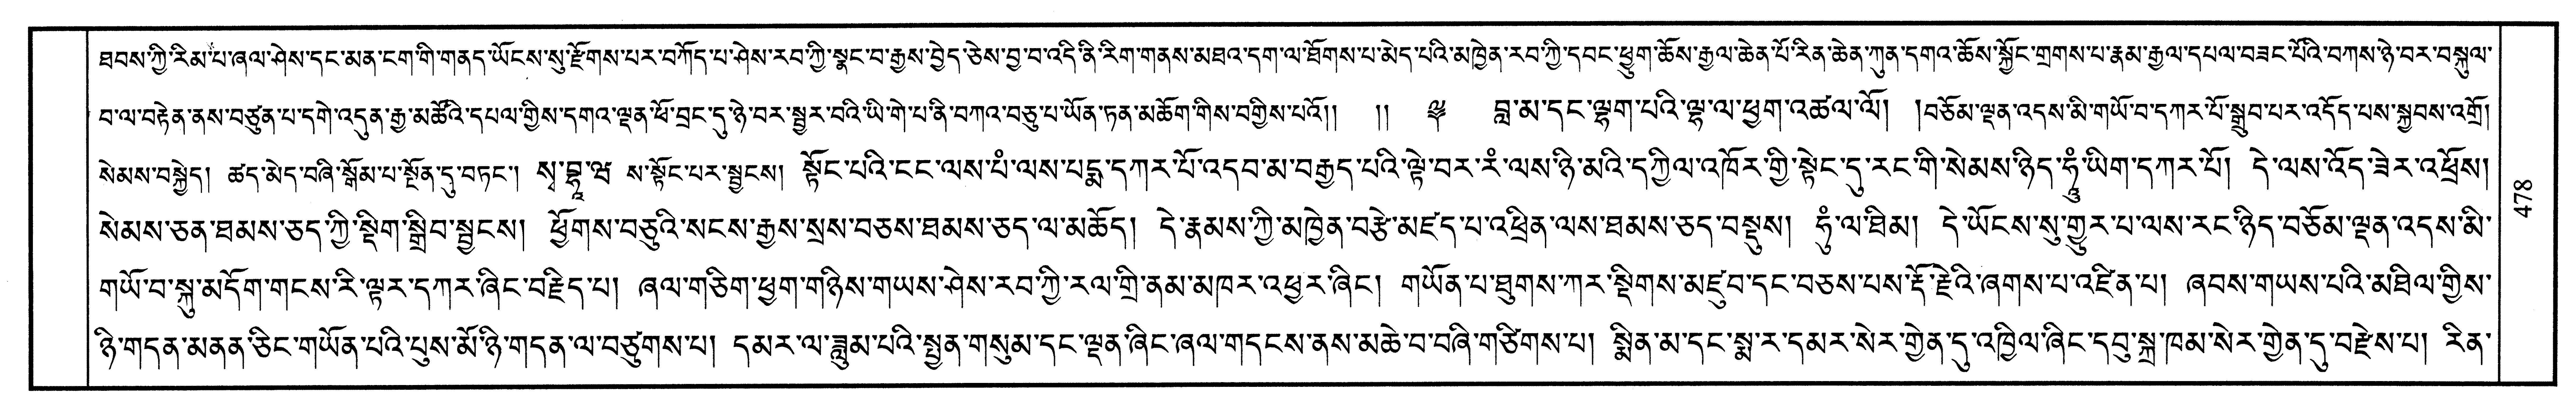ཐབས་ཀྱི་རིམ་པ་ཞལ་ཤེས་དང་མན་ངག་གི་གནད་ཡོངས་སུ་རྫོགས་པར་བཀོད་པ་ཤེས་རབ་ཀྱི་སྣང་བ་རྒྱས་བྱེད་ཅེས་བྱ་བ་འདི་ནི་རིག་གནས་མཐའ་དག་ལ་ཐོགས་པ་མེད་པའི་མཁྱེན་རབ་ཀྱི་དབང་ཕྱུག་ཆོས་རྒྱལ་ཆེན་པོ་རིན་ཆེན་ཀུན་དགའ་ཆོས་སྐྱོང་གྲགས་པ་རྣམ་རྒྱལ་དཔལ་བཟང་པོའི་བཀས་ཉེ་བར་བསྐུལ་
བ་ལ་བརྟེན་ནས་བཙུན་པ་དགེ་འདུན་རྒྱ་མཚོའི་དཔལ་གྱིས་དགའ་ལྡན་ཕོ་བྲང་དུ་ཉེ་བར་སྦྱར་བའི་ཡི་གེ་པ་ནི་བཀའ་བཅུ་པ་ཡོན་ཏན་མཆོག་གིས་བགྱིས་པའོ།། །། ༈ བླ་མ་དང་ལྷག་པའི་ལྷ་ལ་ཕྱག་འཚལ་ལོ། །བཅོམ་ལྡན་འདས་མི་གཡོ་བ་དཀར་པོ་སྒྲུབ་པར་འདོད་པས་སྐྱབས་འགྲོ།
སེམས་བསྐྱེད། ཚད་མེད་བཞི་སྒོམ་པ་སྔོན་དུ་བཏང་། སྭ་བྷཱ་ཝ་ས་སྟོང་པར་སྦྱངས། སྟོང་པའི་ངང་ལས་པཾ་ལས་པདམ་དཀར་པོ་འདབ་མ་བརྒྱད་པའི་ལྟེ་བར་རཾ་ལས་ཉི་མའི་དཀྱིལ་འཁོར་གྱི་སྟེང་དུ་རང་གི་སེམས་ཉིད་ཧཱུཾ་ཡིག་དཀར་པོ། དེ་ལས་འོད་ཟེར་འཕྲོས།
སེམས་ཅན་ཐམས་ཅད་ཀྱི་སྡིག་སྒྲིབ་སྦྱངས། ཕྱོགས་བཅུའི་སངས་རྒྱས་སྲས་བཅས་ཐམས་ཅད་ལ་མཆོད། དེ་རྣམས་ཀྱི་མཁྱེན་བརྩེ་མཛད་པ་འཕྲིན་ལས་ཐམས་ཅད་བསྡུས། ཧཱུཾ་ལ་ཐིམ། དེ་ཡོངས་སུ་གྱུར་པ་ལས་རང་ཉིད་བཅོམ་ལྡན་འདས་མི་
གཡོ་བ་སྐུ་མདོག་གང་རི་ལྟར་དཀར་ཞིང་བརྗིད་པ། ཞལ་གཅིག་ཕྱག་གཉིས་གཡས་ཤེས་རབ་ཀྱི་རལ་གྲི་ནམ་མཁར་འཕྱར་ཞིང་། གཡོན་པ་ཐུགས་ཀར་སྡིགས་མཛུབ་དང་བཅས་པས་རྡོ་རྗེའི་ཞབས་པ་འཛིན་པ། ཞབས་གཡས་པའི་མཐིལ་གྱིས་
ཉི་གདན་མནན་ཅིང་གཡོན་པའི་པུས་མོ་ཉི་གདན་ལ་བཙུགས་པ། དམར་ལ་ཟླུམ་པའི་སྤྱན་གསུམ་དང་ལྡན་ཞིང་ཞལ་གདངས་ནས་མཆེ་བ་བཞི་གཙིགས་པ། སྨིན་མ་དང་སྨ་ར་དམར་སེར་གྱེན་དུ་འཁྱིལ་ཞིང་དབུ་སྐྲ་ཁམ་སེར་གྱེན་དུ་བརྫེས་པ། རིན་